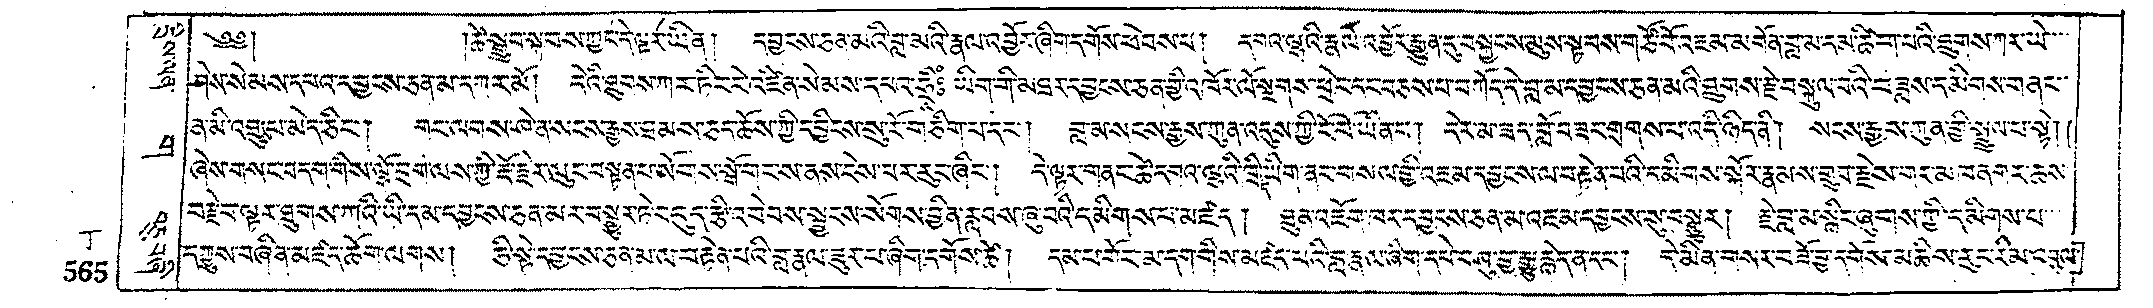༄༅། །ཚེ་སྒྲུབ་སྐབས་ཀྱང་དེ་ལྟར་ཡིན། དབྱངས་ཅན་མའི་བླ་མའི་རྣལ་འབྱོར་ཞིག་དགོས་ཕེབས་པ། དགའ་ལྷའི་རྣལ་འབྱོར་རྒྱུན་དུ་བསྐྱངས་མུས་སྟབས་གཙོ་བོ་འཇམ་མགོན་བླ་མ་དམ་ཚིག་པའི་ཐུགས་ཀར་ཡེ་་་
ཤེས་སེམས་དཔའ་དབྱངས་ཅན་མ་དཀར་མོ། དེའི་ཐུགས་ཀར་ཏིང་ངེ་འཛིན་སེམས་དཔའ་ཧྲཱིཿ ཡིག་གི་མཐར་དབྱངས་ཅན་གྱི་འཁོར་ལོ་སྔགས་ཕྲེང་དང་བཅས་པ་བཀོད་དེ་བླ་མ་དབྱངས་ཅན་མའི་ཐུགས་རྗེ་བསྐུལ་བའི་བཟླས་དམིགས་གནང་་་
ན་མི་འཐུས་པ་མེད་ཅིང་། གང་ལགས་ཤེ་ན་སངས་རྒྱས་ཐམས་ཅད་ཆོས་ཀྱི་དབྱིངས་སུ་རོ་གཅིག་པ་དང་། བླ་མ་སངས་རྒྱས་ཀུན་འདུས་ཀྱི་ངོ་བོ་ཡིན་པ། དེར་མ་ཟད་བློ་བཟང་གྲགས་པ་འདི་ཉིད་ནི། སངས་རྒྱས་ཀུན་གྱི་སྤྲུལ་པ་སྟེ། །
ཞེས་གསང་བདག་གིས་ལྷོ་བྲག་ལས་ཀྱི་རྡོ་རྗེར་ལུང་བསྟན་པ་སོགས་སྒོ་གང་ས་ནས་ངེས་པར་རུང་ཞིང་། དེ་ལྟར་གནང་ཚེ་དགའ་ལྷའི་ཁྲིད་ཡིག་ནང་གསལ་གྱི་འཇམ་དབྱངས་ལ་བརྟེན་པའི་དམིགས་སྐོར་རྣམས་གྲུབ་རྗེས་གར་མཁན་གར་ཆས་
བརྗེ་བ་ལྟར་ཐུགས་ཀའི་ཡི་དམ་དབྱངས་ཅན་མར་བསྒྱུར་ཏེ་བདུད་རྩི་འབེབས་སྦྱངས་སོགས་བྱིན་རླབས་ཞུ་བའི་དམིགས་པ་མཛད། ཐུན་འཇོག་ཁར་དབྱངས་ཅན་མ་འཇམ་དབྱངས་སུ་བསྒྱུར། རྗེ་བླ་མ་སྙིང་ཞུགས་ཀྱི་དམིགས་པ་་་
དཀྱུས་བཞིན་མཛད་ཆོག་ལགས། ཅི་སྟེ་དབྱངས་ཅན་མ་ལ་བརྟེན་པའི་བླ་རྣལ་ཟུར་པ་ཞིག་དགོས་ཚེ། དམ་པ་གོང་མ་དག་གིས་མཛད་པའི་བླ་རྣལ་ཞིག་དཔེ་བཤུ་བྱ་རྒྱུ་རྙེད་ན་དང་། དེ་མིན་གསར་བཟོ་བྱ་དགོས་མཆིས་རུང་རིམ་འབུལ་